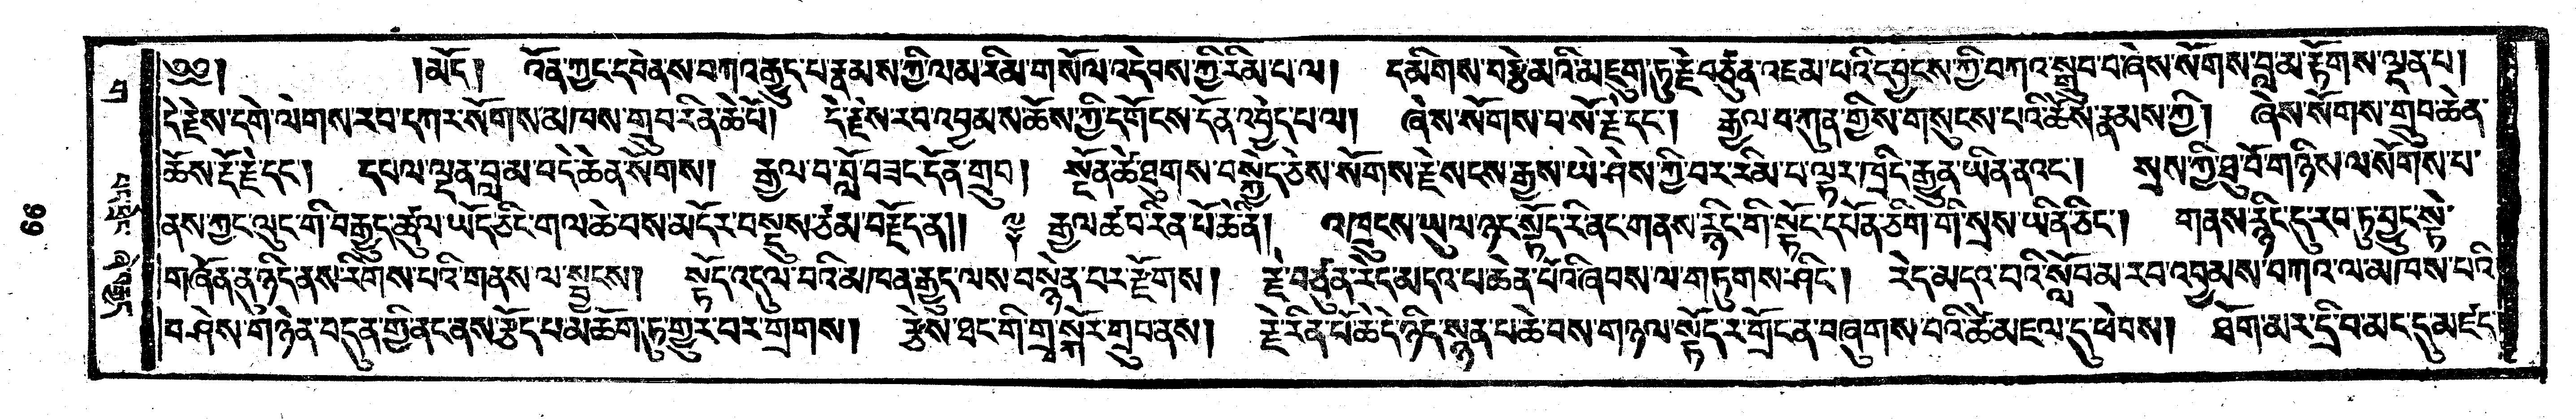༄༅། །མོད། འོན་ཀྱང་དབེན་ས་བཀའ་རྒྱུད་པ་རྣམས་ཀྱི་ལམ་རིམ་གསོལ་འདེབས་ཀྱི་རིམ་པ་ལ། དམིགས་བརྩེ་མའི་མཇུག་ཏུ་རྗེ་བཙུན་འཇམ་པའི་དབྱངས་ཀྱི་བཀའ་སྒྲུབ་བ་ཞེས་སོགས་བླ་མ་རྟོགས་ལྡན་པ།
དེ་རྗེས་དགེ་ལེགས་རབ་དཀར་སོགས་མཁས་གྲུབ་རིན་ཆེ་པོ། དེ་རྗེས་རབ་འབྱམས་ཆོས་ཀྱི་དགོངས་དོན་འབྱེད་པ་ལ། ཞེས་སོགས་བ་སོ་རྗེ་དང་། རྒྱལ་བ་ཀུན་གྱིས་གསུངས་པའི་ཆོས་རྣམས་ཀྱི། ཞེས་སོགས་གྲུབ་ཆེན་
ཆོས་རྡོ་རྗེ་དང་། དཔལ་ལྡན་བླ་མ་བདེ་ཆེན་སོགས། རྒྱལ་བ་བློ་བཟང་དོན་གྲུབ། སྔོན་ཚེ་ཐུགས་བསྐྱེད་ཅེས་སོགས་རྗེ་སངས་རྒྱས་ཡེ་ཤེས་ཀྱི་བར་རིམ་པ་ལྟར་ཁྲིད་རྒྱུན་ཡིན་ནའང་། སྲས་ཀྱི་ཐུ་བོ་གཉིས་ལ་སོགས་པ་
ནས་ཀྱང་ལུང་གི་བརྒྱུད་ཚུལ་ཡོད་ཅིང་གལ་ཆེ་བས་མདོར་བསྡུས་ཙམ་བརྗོད་ན།། ༈ རྒྱལ་ཚབ་རིན་པོ་ཆེ་ནི། འཁྲུངས་ཡུལ་ཉང་སྟོད་རི་ནང་གནས་རྙིང་གི་སྟོང་དཔོན་ཅིག་གི་སྲས་ཡིན་ཅིང་། གནས་རྙིང་དུ་རབ་ཏུ་བྱུང་སྟེ་
གཞོན་ནུ་ཉིད་ནས་རིགས་པའི་གནས་ལ་སྦྱངས། སྟོད་འདུལ་བའི་མཁན་རྒྱུད་ལས་བསྙེན་པར་རྫོགས། རྗེ་བཙུན་རེད་མདའ་པ་ཆེན་པོའི་ཞབས་ལ་གཏུགས་ཤིང་། རེད་མདའ་བའི་སློབ་མ་རབ་འབྱམས་བཀའ་ལ་མཁས་པའི་
བཤེས་གཉེན་བདུན་གྱི་ནང་ནས་རྩོད་པ་མཆོག་ཏུ་གྱུར་བར་གྲགས། རྩེས་ཐང་གི་གྲྭ་སྐོར་གྲུབ་ནས། རྗེ་རིན་པོ་ཆེ་དེ་ཉིད་སྙན་པ་ཆེ་བས་གཉལ་སྟོད་ར་གྲོང་ན་བཞུགས་པའི་ཚེ་མཇལ་དུ་ཕེབས། ཐོག་མར་དྲི་བ་མང་དུ་མཛད་